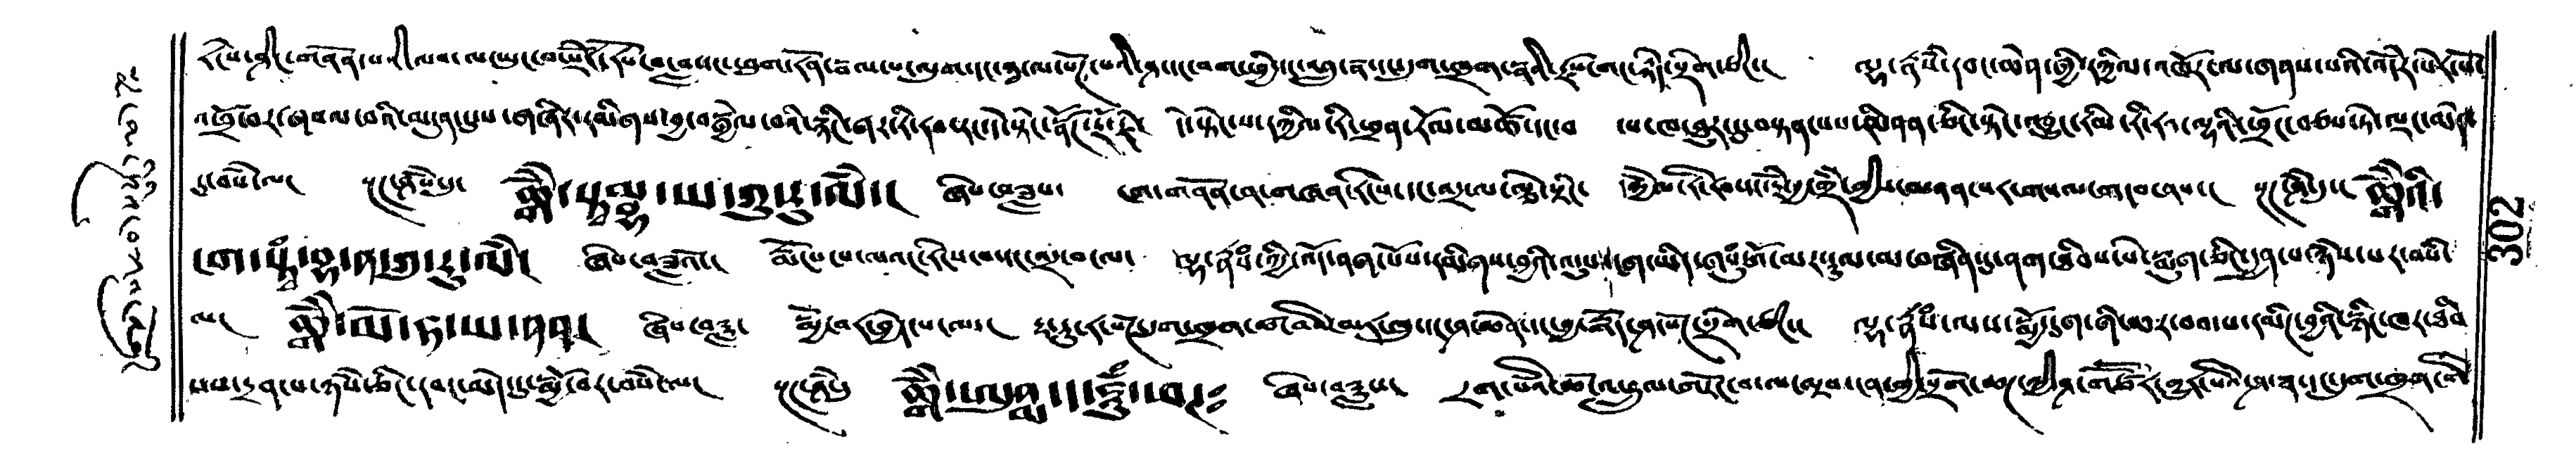རེངས་ཤིང་གནོན་པའི་ལས་ལ་ཡུང་བ་སྡོང་རོས་བ་བླ་དང་ཕུག་རོན་སྦལ་པ་ལུག་དང་ཉ་ལ་སོགས་པའི་ཤ་དང་བག་ཕྱེ་དང་འབྲུ་སྣ་དང་དུག་ཁྲག་སྣའི་རྫས་གང་རྙེད་སྲེག་ཅིང་། ལྷ་རྣམས་དབང་ཆེན་གྱི་དཀྱིལ་འཁོར་ལ་གནས་པའི་འོད་ཟེར་སེར་པོ་
འཕྲོ་བར་གསལ་བའི་མདུན་དུ་ས་གཞིར་དམིགས་བྱ་བསྒྱེལ་བའི་སྙིང་གར་རི་རབ་དང་དེ་སྟེང་སྣ་ཚོགས་རྡོ་རྗེ། དེ་སྟེང་ས་དཀྱིལ་རི་ཕྲན་རོལ་མཚོ་དང་བཅས་པ་ཁ་ཐུར་དུ་བསྟན་པས་མནན་ཅིང་དེ་སྟེང་འབྱུང་རིམ་རི་རབ་ལྷའི་ཕོ་བྲང་བཅས་ཏེ་ལྡང་མེད་
དུ་བསམ་ལ། སྔགས་ཤམས་དུ། ཆེ་གེ་མོ་སྟྭམྦྷ་ཡ་ཀུ་རུ་ལམ༔ ཞཻས་བཟླས། ངག་གནོན་ན་གཞན་རེངས་དང་འདྲ་ལ་ལྕེ་སྟེང་། དཀྱིལ་རི་རབ་དང་རྡོ་རྗེ་རྒྱ་གྲམ་གྱིས་མནན་པར་གསལ་གདབ་ནས། སྔགས་ཤམས་དུ། ཆེ་གེ་མོའི་
ངག་སྟྭཾ་བྷ་ན་ཀུ་རུ་ལམ༔ ཞེས་བཟླའོ། རྨོངས་པ་ལའང་རེངས་བ་དང་འདྲ་ལ། ལྷ་རྣམས་ཀྱི་འོད་ནག་པོས་དམིགས་བྱའི་ལུས་ངག་ཡིད་གསུམ་འོ་མ་རུལ་པ་བཞིན་དུ་ནག་ཐིབས་སེ་སྨུག་ཅིང་དྲན་པ་ཉམས་པར་བསམ་
ལ། ཆེ་གེ་མོ་ཧ་ཡ་ནན། ཞེས་བཟླ། སྨྱོ་བར་བྱེད་པ་ལ། དྷ་དྷུ་ར་སོགས་དུག་ཁྲག་ཚ་བའི་མར་ཁུ་དང་ཤ་ཆེན་དང་བྱ་རྒོད་ཤ་སོགས་སྲེག་ཅིང་། ལྷ་རྣམས་ལས་སྨྱོ་དུག་གི་ཆར་བབས་པ་དམིགས་བྱའི་སྙིང་ཁར་ཐིབ་
པས་དྲན་པ་ཉམས་ཅིང་དབང་མེད་དུ་སྨྱོ་བར་བསམ་ལ། སྔགས་ཤམས་དུ། ཆེ་གེ་མོ་ཨུནྨ་ད་ཧཱུྃ་ཕཊ༔ ཞེས་བཟླས། དྲག་པོའི་ཆོ་འཕྲུལ་གཏོང་བ་ལ་ལྟས་ངན་པའི་སྲོག་ཆགས་ཀྱི་ཤ་གཙོ་བོར་གྱུར་པའི་ཤ་སྣ་དང་དུག་ཁྲག་གི